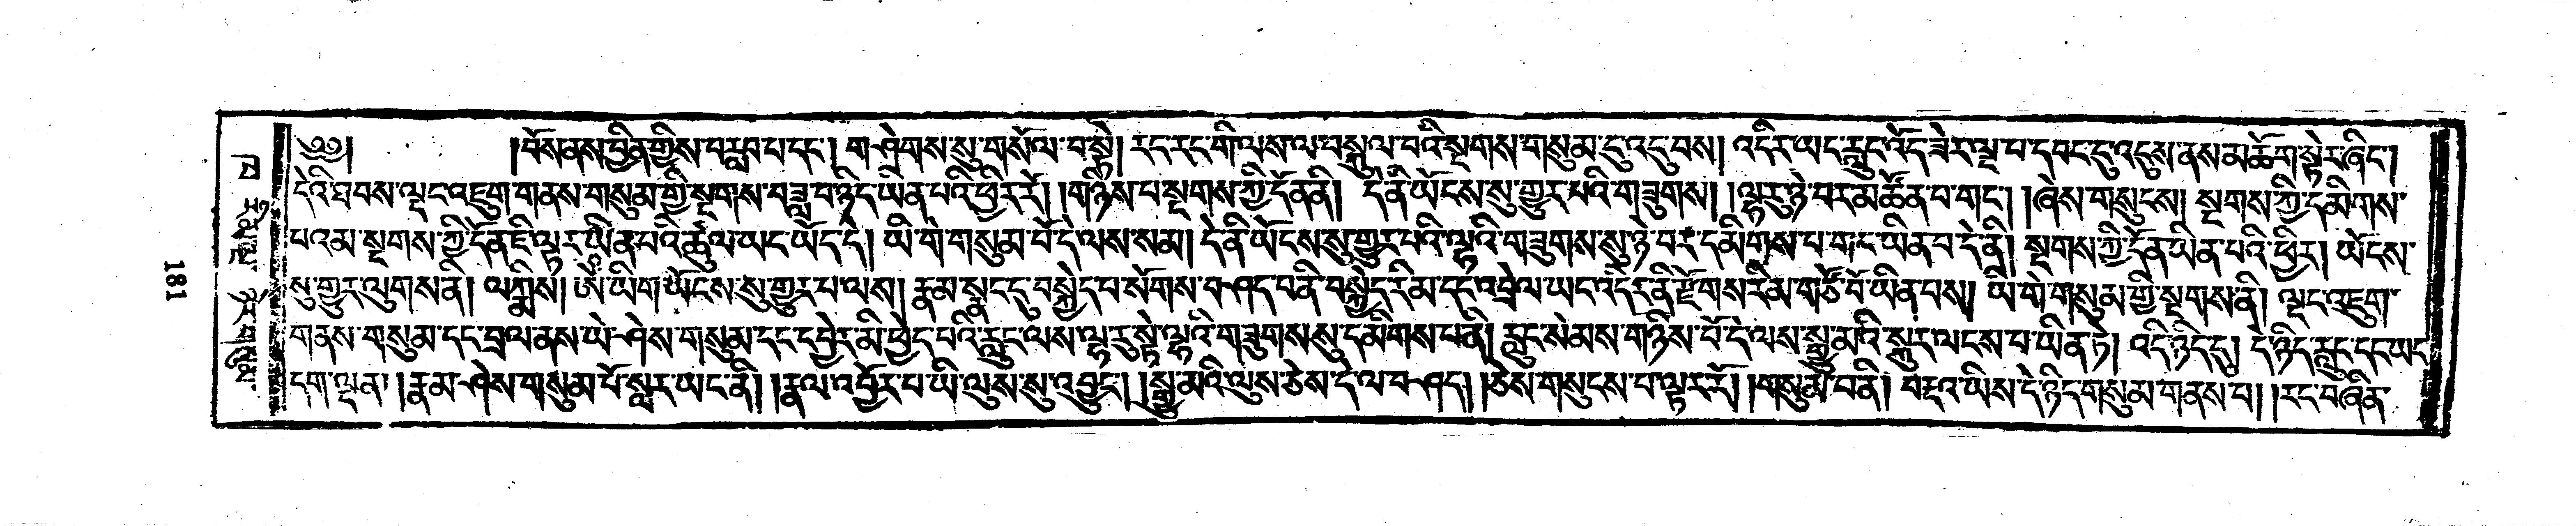༄༅། །བོས་ནས་བྱིན་གྱིས་བརླབ་པ་དང་། གཤེགས་སུ་གསོལ་བ་སྟེ། རང་རང་གི་ལས་ལ་བསྐུལ་བའི་སྔགས་གསུམ་དུ་འདུ་བས། འདིར་ཡང་རླུང་འོད་ཟེར་ལྔ་པ་དབང་དུ་འདུས་ནས་མཆོག་སྟེར་ཞིང་།
དེའི་ཐབས་ལྡང་འཇུག་གནས་གསུམ་གྱི་སྔགས་བཟླ་བ་ཉིད་ཡིན་པའི་ཕྱིར་རོ། །གཉིས་པ་སྔགས་ཀྱི་དོན་ནི། དེ་ནི་ཡོངས་སུ་གྱུར་པའི་གཟུགས། །ལྷ་རུ་ཉེ་བར་མཚོན་པ་གང་། །ཞེས་གསུངས། སྔགས་ཀྱི་དམིགས་
པའམ་སྔགས་ཀྱི་དོན་ཇི་ལྟར་ཡིན་པའི་ཚུལ་ཡང་ཡོད་དེ། ཡི་གེ་གསུམ་པོ་དེ་ལས་སམ། དེ་ནི་ཡོངས་སུ་གྱུར་པའི་ལྷའི་གཟུགས་སུ་ཉེ་བར་དམིགས་པ་གང་ཡིན་པ་དེ་ནི། སྔགས་ཀྱི་དོན་ཡིན་པའི་ཕྱིར། ཡོངས་
སུ་གྱུར་ལུགས་ནི། ལཀྨིས། ཨོཾ་ཡིག་ཡོངས་སུ་གྱུར་པ་ལས། རྣམ་སྣང་དུ་བསྐྱེད་པ་སོགས་བཤད་པ་ནི་བསྐྱེད་རིམ་དང་འབྲེལ་ཡང་འདིར་ནི་རྫོགས་རིམ་གཙོ་བོ་ཡིན་པས། ཡི་གེ་གསུམ་གྱི་སྔགས་ནི། ལྡང་འཇུག་
གནས་གསུམ་དང་བྲལ་ནས་ཡེ་ཤེས་གསུམ་དང་དབྱེར་མི་ཕྱེད་པའི་རླུང་ལས་ལྷ་རུ་སྟེ་ལྷའི་གཟུགས་སུ་དམིགས་པ་ནི། རླུང་སེམས་གཉིས་པོ་དེ་ལས་སྒྱུ་མའི་སྐུར་ལངས་པ་ཡིན་ཏེ། འདི་ཉིད་དུ། དེ་ཉིད་རླུང་དང་ཡང་
དག་ལྡན། །རྣམ་ཤེས་གསུམ་པོ་སླར་ཡང་ནི། །རྣལ་འབྱོར་པ་ཡི་ལུས་སུ་འབྱུང་། །སྒྱུ་མའི་ལུས་ཅེས་དེ་ལ་བཤད། །ཅེས་གསུངས་པ་ལྟར་རོ། །གསུམ་པ་ནི། བརྡའ་ཡིས་དེ་ཉིད་གསུམ་གནས་པ། །རང་བཞིན་